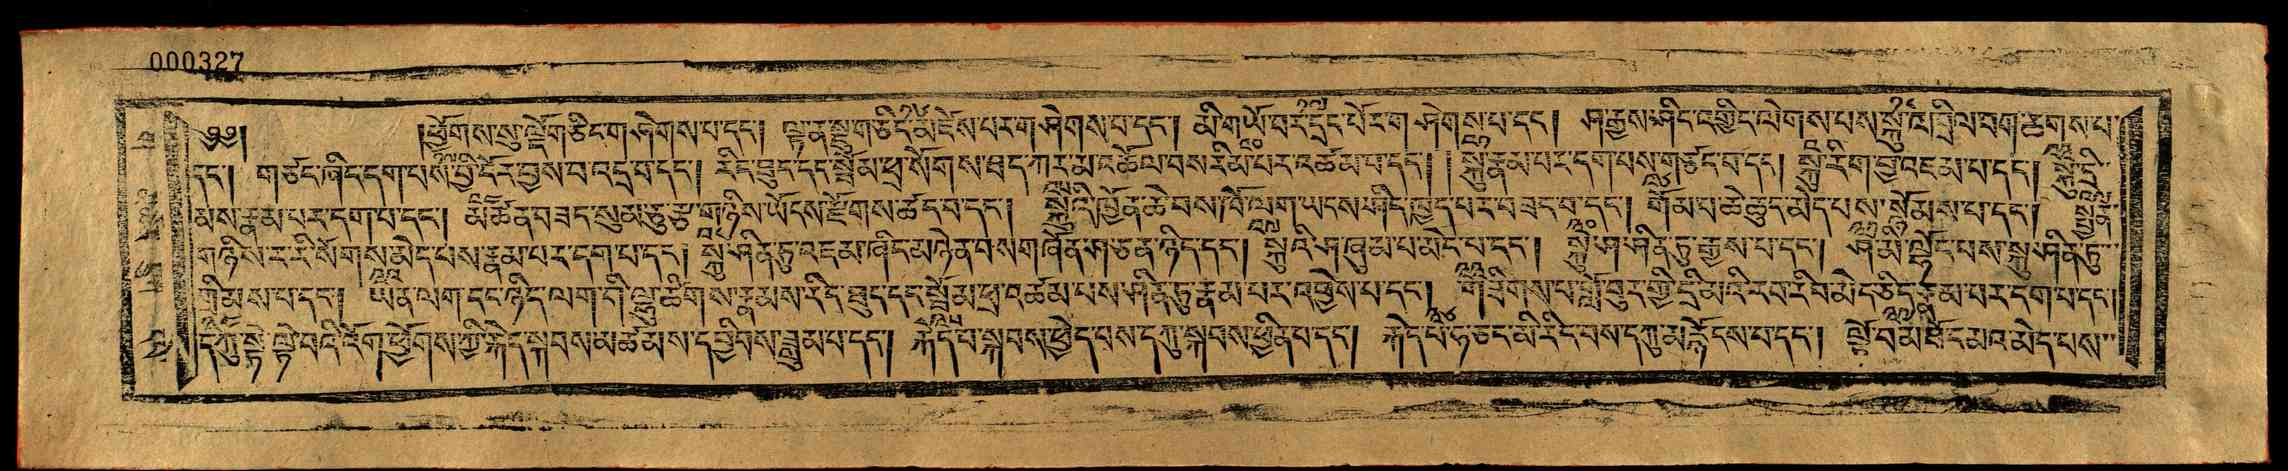༄༅། །ཕྱོགས་སུ་ལྡོག་ཅིང ༡༦་གཤེགས་པ་དང་། ལྟ་ན་སྡུག་ཅིང་མཛེས་པར་གཤེགས་པ་དང་། མི་གཡོ་བར་དྲང་པོར་གཤེགས་པ་དང་། ཤ་རྒྱས་ཤིང་འགྱིང་ལེགས་པས་སྐུ་འཁྲིལ་བག་ཆགས་པ་
དང་། གཅོང་ཞིང་དག་པས་བྱི་དོར་བྱས་པ་འདྲ་བ་དང་། རིང་ཐུང་དང་སྦོམ་ཕྲ་སོགས་ཐད་ཀར་མ་འཆོལ་བས་རིམ་པར་འཚམ་པ་དང་། ༢༡་སྐུ་རྣམ་པར་དག་པས་གཙང་བ་དང་། ༢༢་སྐུ་རོག་བྱ་འཇམ་པ་དང་། ༣༢་སྐུ་དྲི་
མས་རྣམ་པར་དག་པ་དང་། ༢༤་མཚན་བཟང་སུམ་ཅུ་རྩ་གཉིས་ཡོངས་རྫོགས་ཚང་བ་དང་། ༢༥་སྐུའི་ཁྱོན་ཆེ་བས་ཁོ་ལག་ཡངས་ཤིང་ཁྱད་པར་བཟང་བ་དང་། ༢༦་གོམ་པ་ཆེ་ཆུང་མེད་པས་སྙོམས་པ་དང་། ༢༧་སྤྱན་
གཉིས་ར་རི་སོགས་མེད་པས་རྣམ་པར་དག་པ་དང་། ༢༨་སྐུ་ཤིན་ཏུ་འཇམ་ཞིང་མཉེན་པས་གཞོན་ཤ་ཅན་ཉིད་དང་། ༢༩་སྐུའི་ཤ་ཞུམ་པ་མེད་པ་དང་། ༣༠་སྐུ་ཤ་ཤིན་ཏུ་རྒྱས་པ་དང་། ༣༡་ཤ་མ་ལྷོད་པས་སྐུ་ཤིན་ཏུ་
གྲིམས་པ་དང་། ༣༢་ཡན་ལག་དང་ཉིད་ལག་གི་ལྷུ་ཚིགས་རྣམས་རིང་ཐུང་དང་སྦོམ་ཕྲ་འཚམ་པས་ཤིན་ཏུ་རྣམ་པར་འབྱེས་པ་དང་། ༣༣་གཟིགས་པ་གློ་བུར་གྱི་དྲི་མའི་རབ་རིབ་མེད་ཅིང་རྣམ་པར་དག་པ་དང་།
༣༤་དཀུ་སྟེ་ལྟེ་བའི་འོག་ཕྱོགས་ཀྱི་རྐེད་སྐབས་མཚམས་དབྱིབས་ཟླུམ་པ་དང་། ༣༥་རྐེད་པ་སྐབས་ཕྱེད་པས་དཀུ་སྐབས་ཕྱིན་པ་དང་། རྐེད ༣༦་པ་ཧ་ཅང་མི་རིང་བས་དཀུ་མ་རྙོངས་པ་དང་། ལྟོ་བ ༣༧་མཐོད་དམའ་མེད་པས་